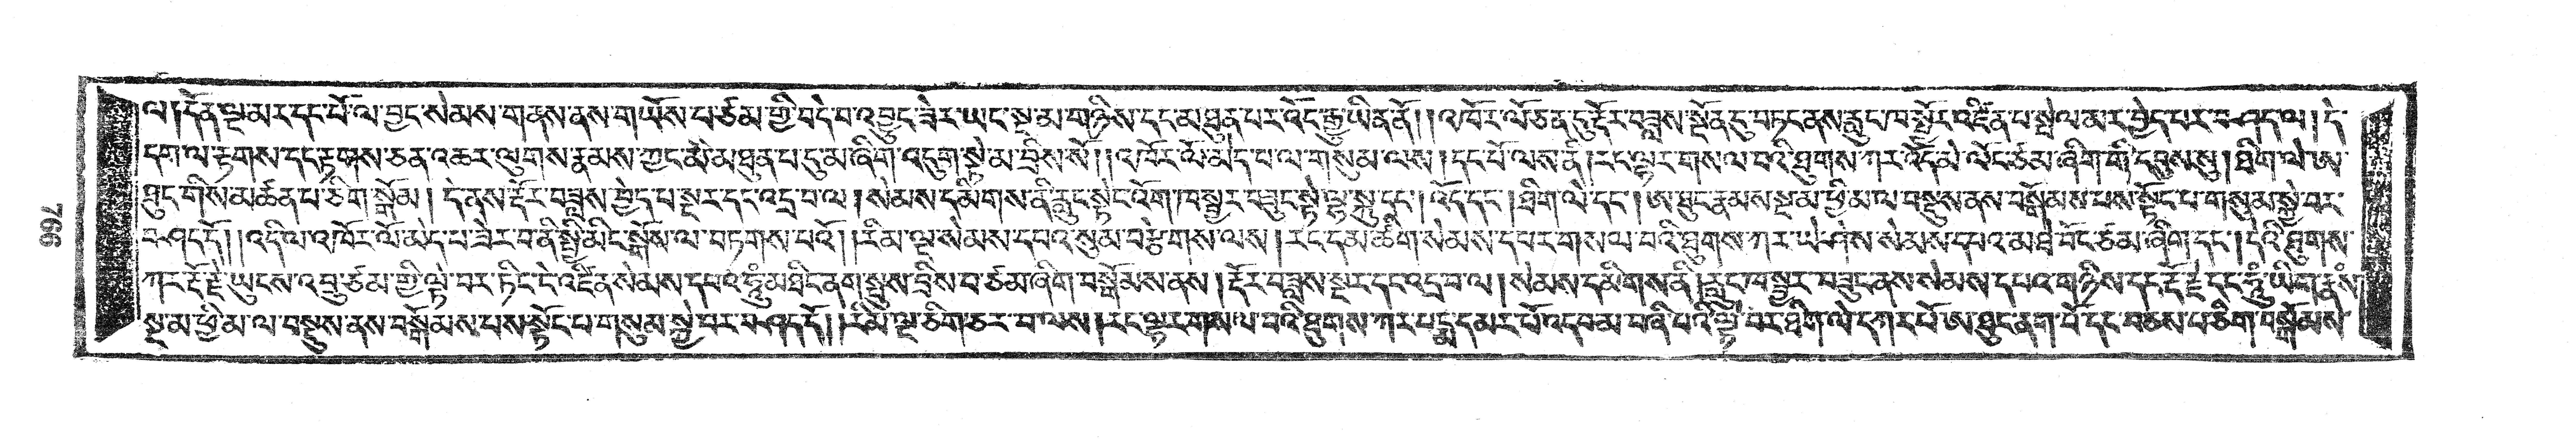ལ། དོན་ལྔ་མར་དང་པོ་ལ་བྱང་སེམས་གནས་ནས་གཡོས་པ་ཙམ་གྱི་བདེ་བ་འབྱུང་ཟེར་ཡང་སྔ་མ་གཉིས་དང་མཐུན་པར་འོང་རྒྱུ་ཡིན་ནོ། །འཁོར་ལོ་ཅན་དུ་རྡོར་བཟླས་སྔོན་དུ་བཏང་ནས་རླུང་ཁ་སྦྱོར་འཛིན་པ་སྤེལ་མར་བྱེད་པར་བཤད་ལ། དེ་
དག་ལ་རྟགས་དང་རྟགས་ཅན་འཆར་ལུགས་རྣམས་ཀྱང་མི་མཐུན་པ་དུ་མ་ཞིག་འདུག་སྟེ་མ་བྲིས་སོ། །འཁོར་ལོ་མེད་པ་ལ་གསུམ་ལས། དང་པོ་ལས་ནི། རང་ལྷར་གསལ་བའི་ཐུགས་ཀར་འོད་མེ་ལོང་ཙམ་ཞིག་གི་དབུས་སུ། ཐིག་ལེ་ཨ་
ཐུང་གིས་མཚན་པ་ཅིག་སྒོམ། དེ་ནས་རྡོར་བཟླས་བྱེད་པ་སྔར་དང་འདྲ་བ་ལ། སེམས་དམིགས་ནི་རླུང་སྟེང་འོག་ཁ་སྦྱར་བཟུང་སྟེ་ལྷ་སྐུ་དང་། འོད་དང་། ཐིག་ལེ་དང་། ཨ་ཐུང་རྣམས་སྔ་མ་ཕྱི་མ་ལ་བསྡུས་ནས་བསྒོམས་པས་སྟོང་པ་གསུམ་སྐྱེ་བར་
བཤད་དོ། །འདི་ལ་འཁོར་ལོ་མེད་པ་ཟེར་བ་ནི་སྤྱི་མིང་སྒོས་ལ་བཏགས་པའོ། །རིམ་ལྔ་སེམས་དཔའ་སུམ་བརྩེགས་ལས། རང་དམ་ཚིག་སེམས་དཔར་གསལ་བའི་ཐུགས་ཀར་ཡེ་ཤེས་སེམས་དཔའ་མཐེ་བོང་ཙམ་ཞིག་དང་། དེའི་ཐུགས་
ཀར་རྡོ་རྗེ་ཡུངས་འབྲུ་ཙམ་གྱི་ལྟེ་བར་ཏིང་ངེ་འཛིན་སེམས་དཔའ་ཧཱུཾ་མཐིང་ནག་སྤུས་བྲིས་པ་ཙམ་ཞིག་བསྒོམས་ནས། རྡོར་བཟླས་སྔར་དང་འདྲ་བ་ལ། སེམས་དམིགས་ནི། རླུང་ཁ་སྦྱར་བཟུང་ནས་སེམས་དཔའ་གཉིས་དང་རྡོ་རྗེ་དང་ཧཱུཾ་ཡིག་རྣམས་
སྔ་མ་ཕྱི་མ་ལ་བསྡུས་ནས་བསྒོམས་པས་སྟོང་པ་གསུམ་སྐྱེ་བར་བཤད་དོ། །རིམ་ལྔ་ཅིག་ཅར་བ་ལས། རང་ལྷར་གསལ་བའི་ཐུགས་ཀར་པདམ་དམར་པོ་འདབ་མ་བཞི་པའི་ལྟེ་བར་ཐིག་ལེ་དཀར་པོ་ཨ་ཐུང་ནག་པོ་དང་བཅས་པ་ཅིག་བསྒོམས་